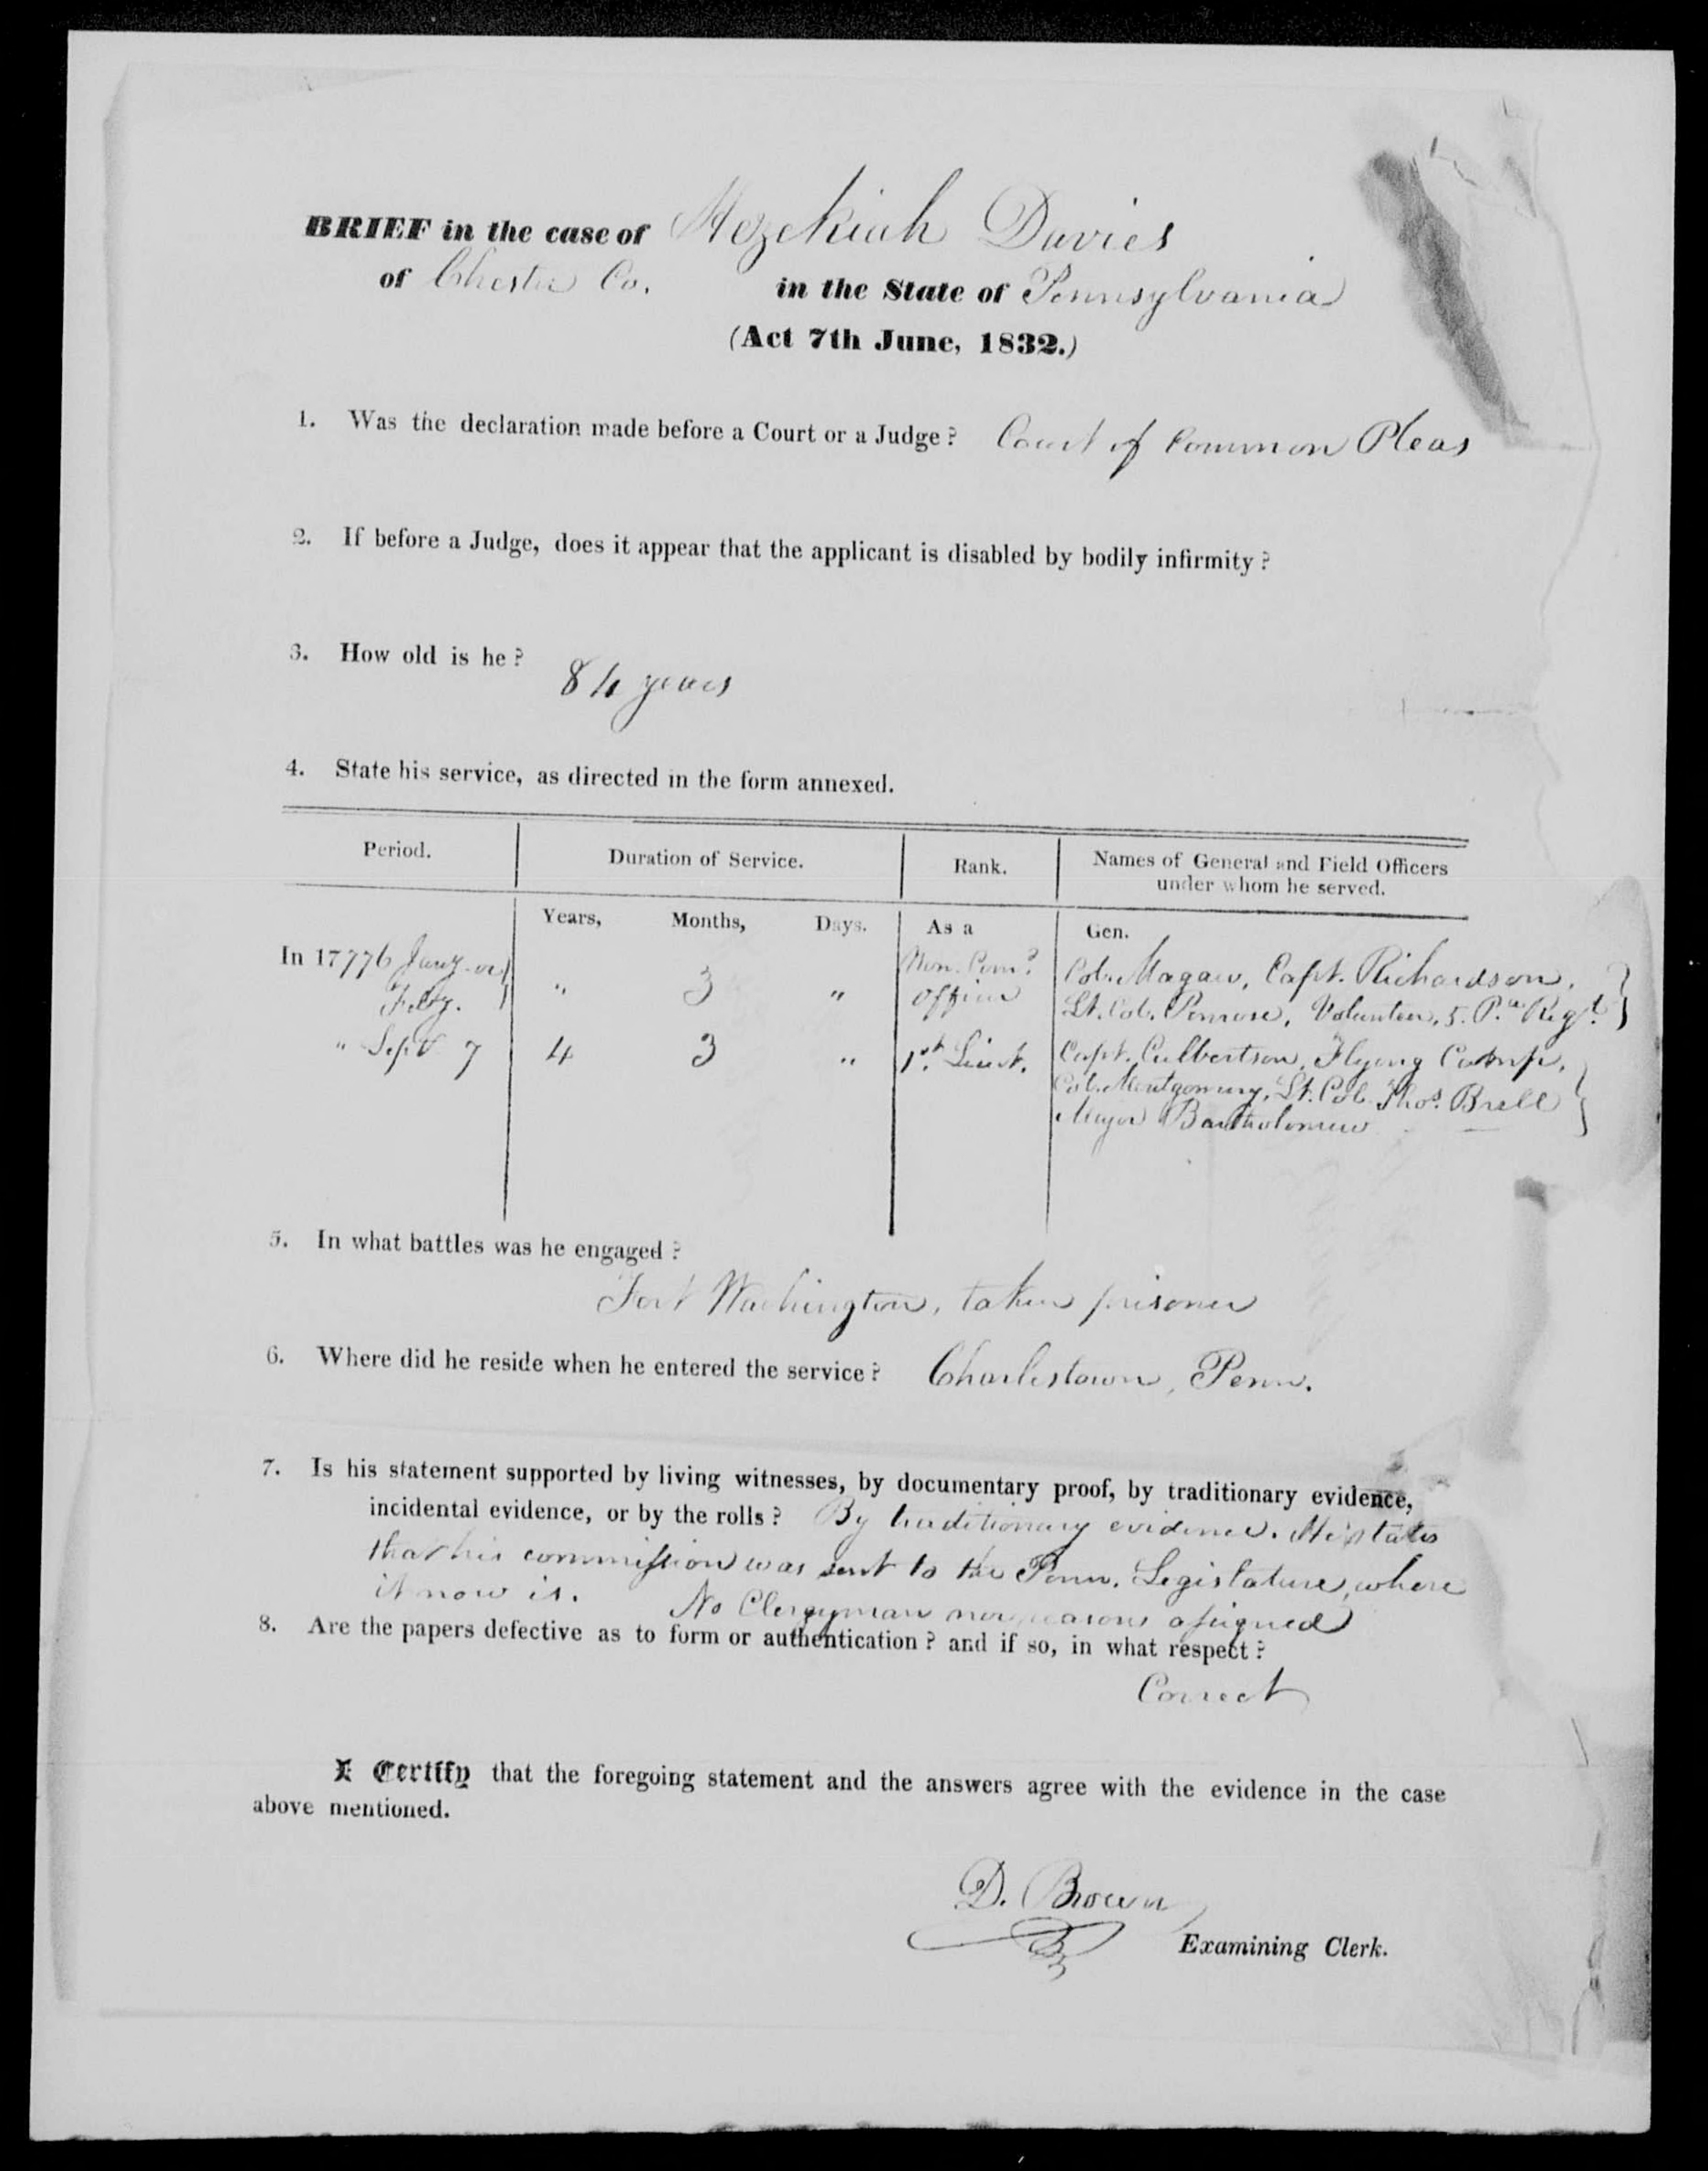BRIEF in the case of Hezekiah Davies
of Chester Co.
in the State of Pennsylvania
(Act 7th June, 1832.)

1. Was the declaration made before a Court or a Judge? Court of Common Pleas
2. If before a Judge, does it appear that the applicant is disabled by bodily infirmity?
3. How old is he?
84 years
4. State his service, as directed in the form annexed.

Period. | Duration of Service. Years, Months, Days. | Rank. As a. | Names of General and Field Officers under whom he served.  Gen. 

In 1776 Jany or  Feby. 1 |  "  |  3  |  " |  Non Com? Officer  | Col. Magaw, Capt. Richardson, Lt. Col. Penrose, Volunteer, 5.Pa. Regt. }
"  Sept 7  |  4  |  3  |  "  |  1st Lieut.  |  Capt. Culbertson, Flying Camp, Col. Montgomery, Lt. Col. Thos Bull, Major Bartholomew} 

5. In what battles was he engaged:  Fort Washington, taken prisoner
6. Where did he reside when he entered the service? Charlestown, Penn.
7. Is his statement supported by living witnesses, by documentary proof, by traditionary evidence,
incidental evidence, or by the rolls? By traditionary evidence. He states that his commission was sent to the Penn. Legislature, where it now is. 
No Clergyman nor reasons assigned
8. Are the papers defective as to form or authentication? and if so, in what respect?
Correct

I Certify that the foregoing statement and the answers agree with the evidence in the case above mentioned. 
D. Brown
Examining Clerk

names: Thos Bull, Magaw, Hezekiah Davies, Bartholomew, Richardson, D Brown, Montgomery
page: 12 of 57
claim: survivor's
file: S. 2161, Hezekiah Davies, Penn